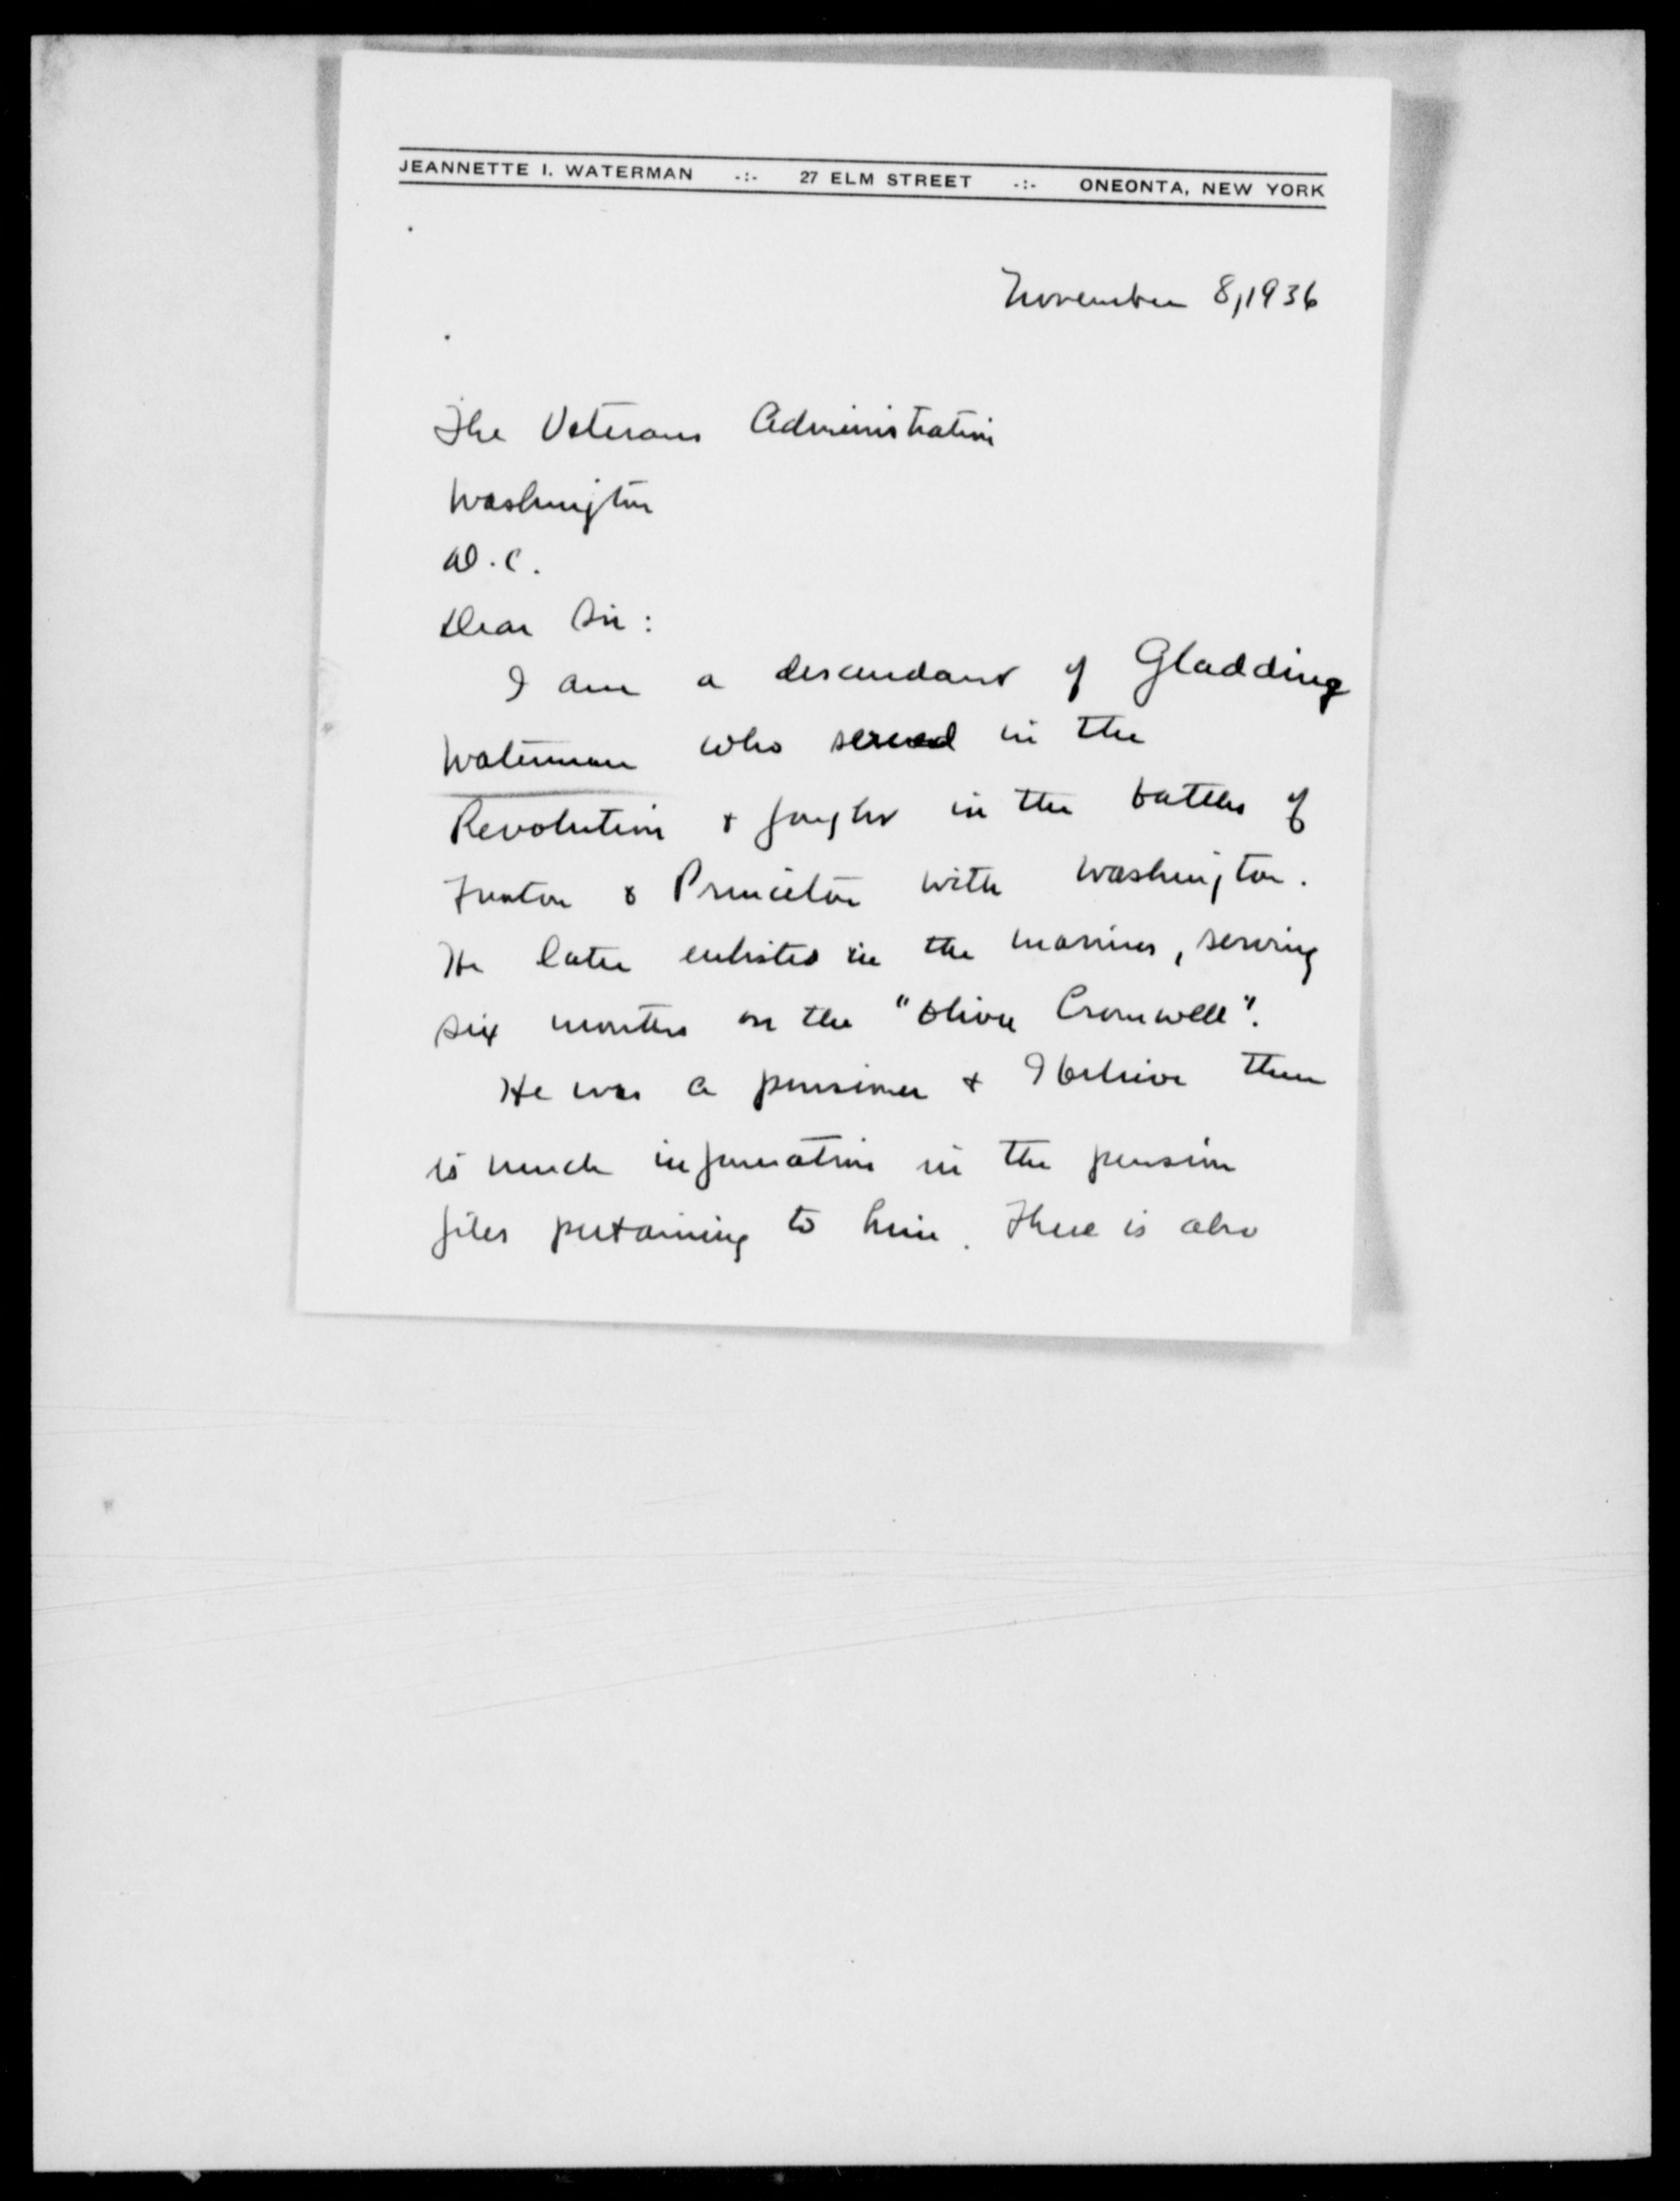JEANNETTE I. WATERMAN  * 27 ELM STREET  *
ONEONTA, NEW YORK
----------------------------------------------------
November 8, 1936

The Veterans Administration
Washington
D. C.

Dear Sir:

      I am a descendant of Gladding Waterman who served in the Revolution & fought in the battles of Trenton & Princeton with Washington.
He later enlisted in the marines, servicing six months on the "Oliver Cromwell".
       He was a pensioner & I believe there is much information in the pension files pertaining to him. There is also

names: Gladding Waterman, Jeannette I Waterman, Oliver Cromwell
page: 41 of 50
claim: widow's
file: W. 15814, Glading Waterman, Conn. Conn. Sea Service Continental